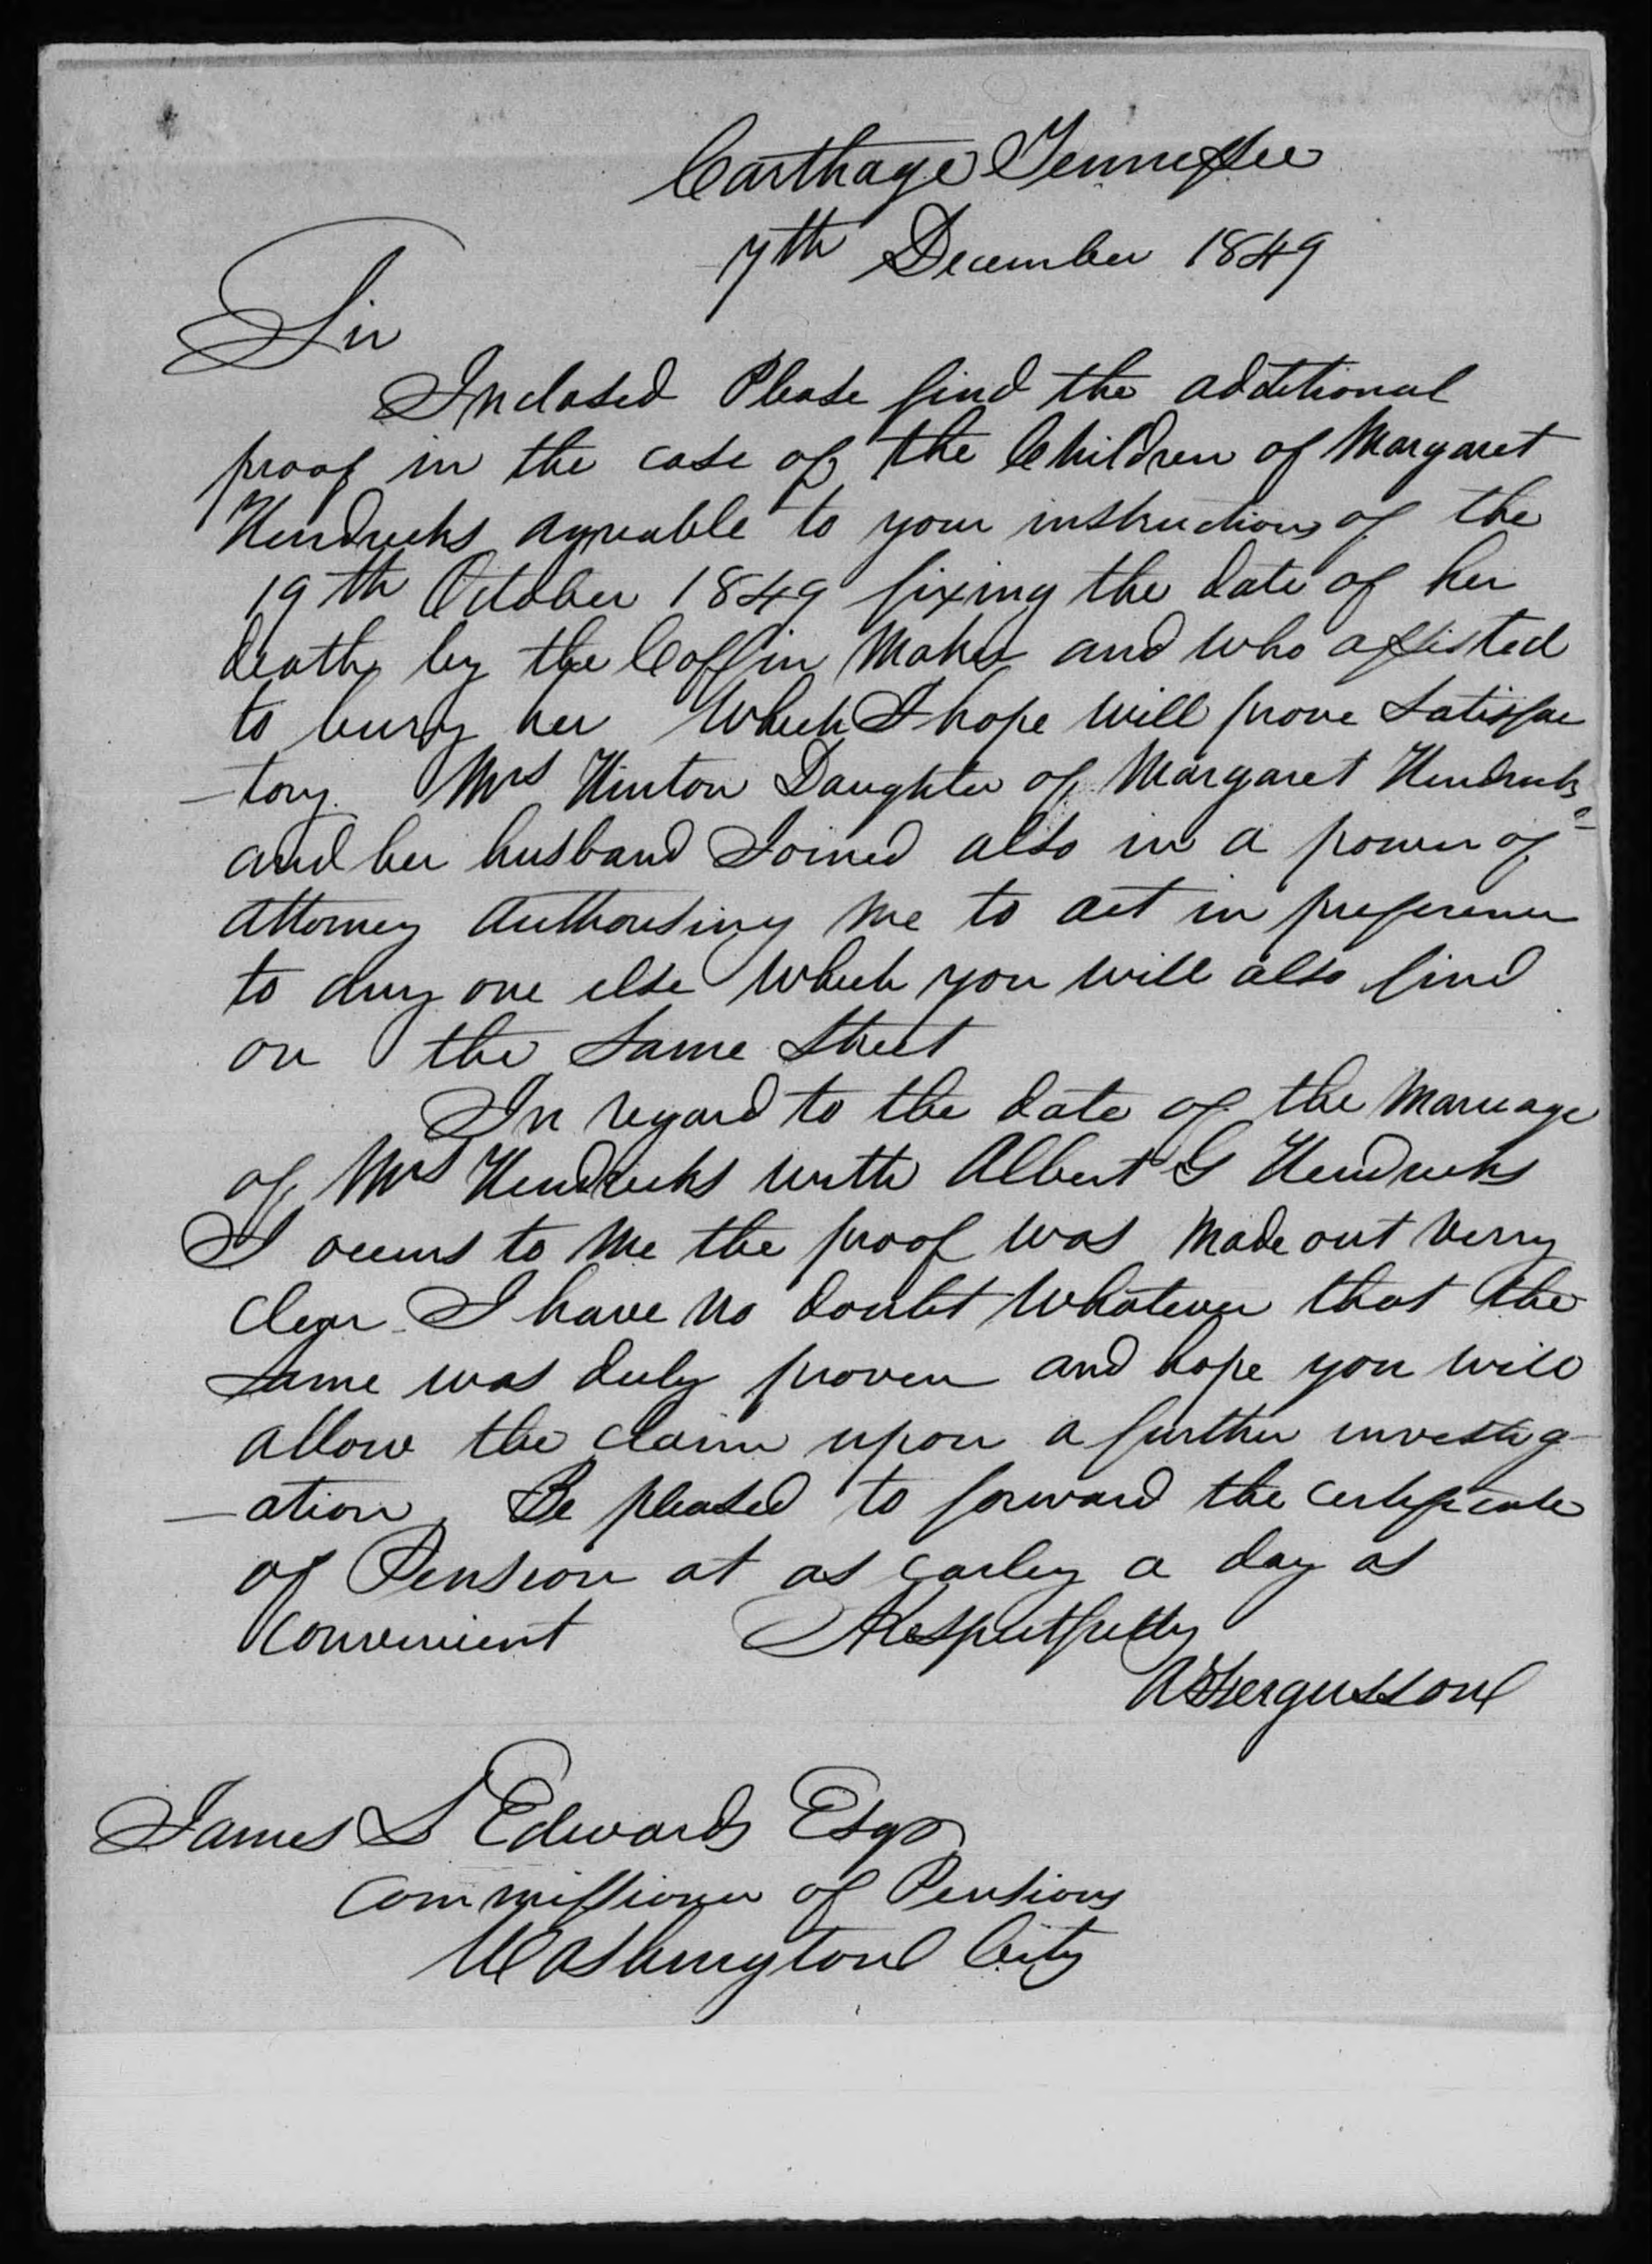Carthage Tennessee 
7th December 1849

Sir

Enclosed please find the additional 
proof in the case of the children of Margaret 
Hendricks agreeable to your instructions of the 
19th October 1849 fixing the date of her 
death by the coffin maker and who assisted 
to bury her which I hope will prove satisfac
tory.  Mrs Hinton daughter of Margaret Hendricks 
and her husband joined also in a power of 
attorney authorising [authorizing] me to act in preference 
to any one else which you will also find 
on the same sheet.

In regard to the date of the marriage 
of Mrs Hendricks with Albert G Hendricks 
I seems to me the proof was made out verry [very]
clear. I have no doubt whatever that the 
same was duly proven and hope you will 
allow the claim upon a further investig
ation.  Be pleased to forward the certificate 
of Pension at as early a day as 
convenient Respectfully 
A Fergusson

James L Edwards Esqr
Commissioner of Pensions 
Washington City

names: Margaret Hendricks, James L Edwards, Hinton, Albert G Hendricks, A Fergusson, Hendricks, Margaret Hendricks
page: 50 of 76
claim: widow's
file: W. 83, Albert Hendricks, Continental Md. N.C.